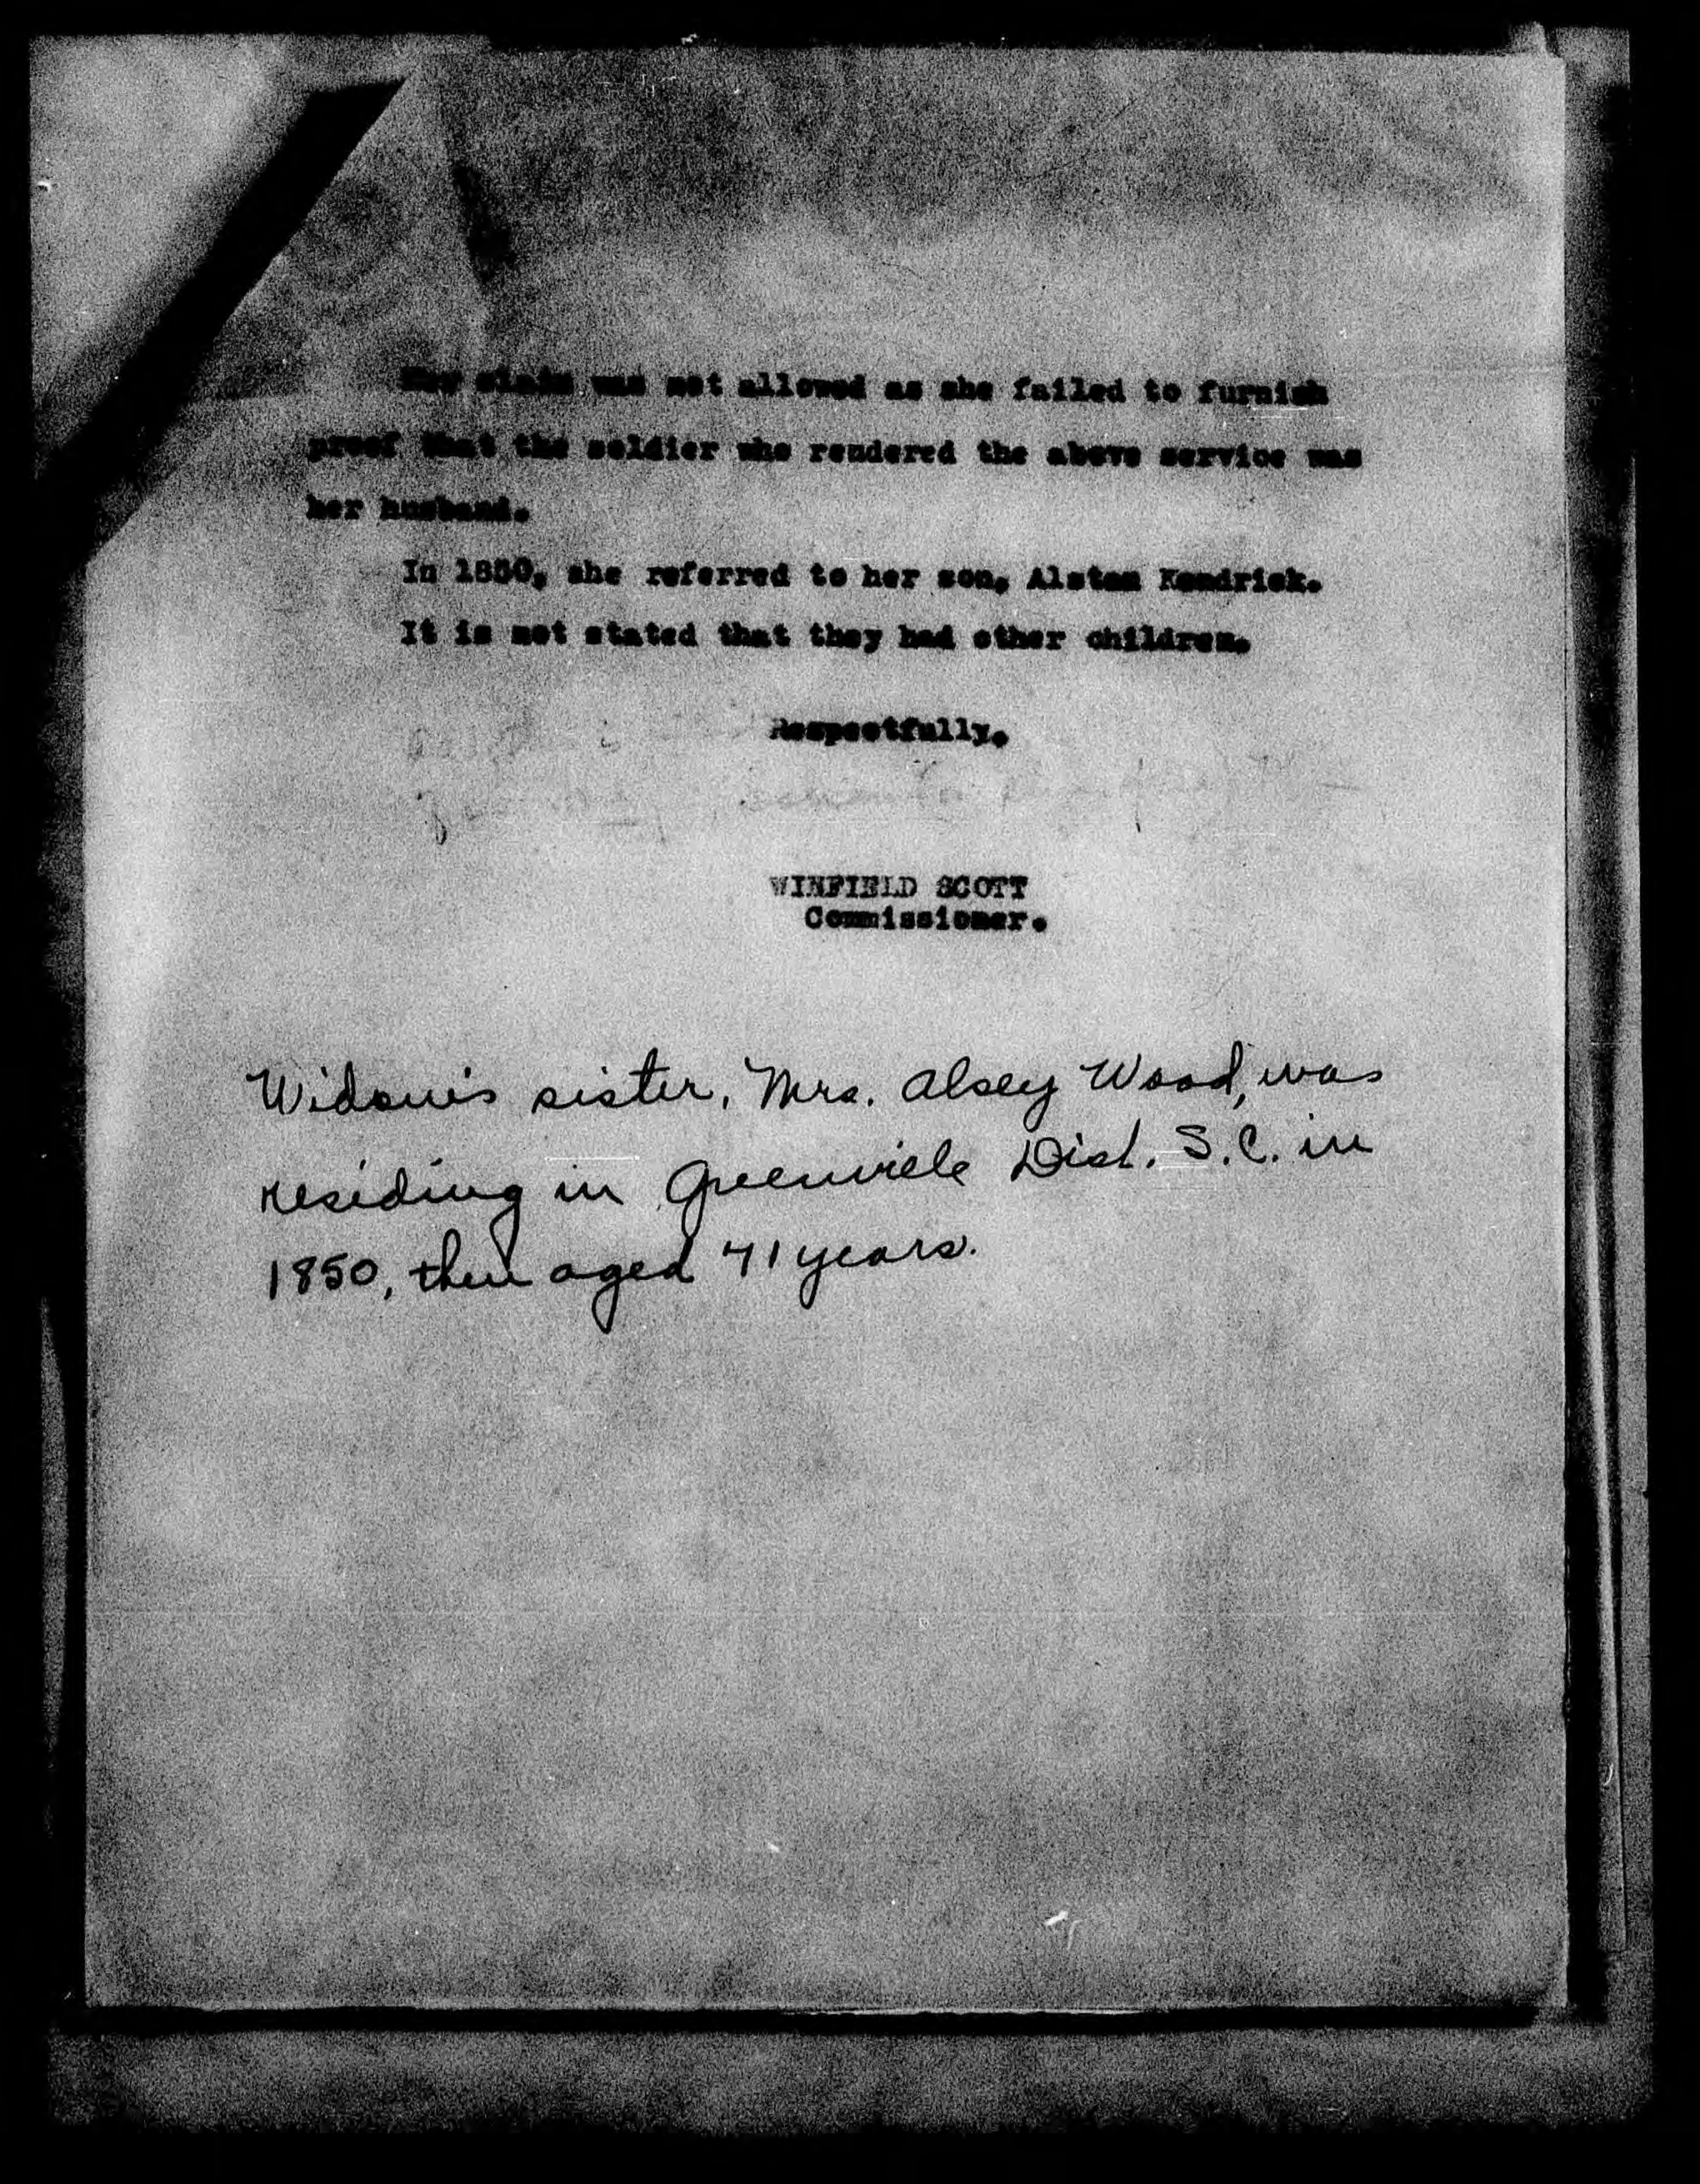Her claim was not allowed as she failed to furnish
proof that the soldier who rendered the above service was
her husband.

In 1850, she referred to her son, Alston Kendrick.
It is not stated that they had other children.

Respectfully,

WINFIELD SCOTT
Commissioner.


[handwritten note at the bottom of the page]
Widow's sister, Mrs. Alsey Wood, was
residing in Greenville Dist. S.C. in 
1850, then aged 71 years.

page: 28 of 29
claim: rejected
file: R. 5862, for Isham Kendrick, North Carolina